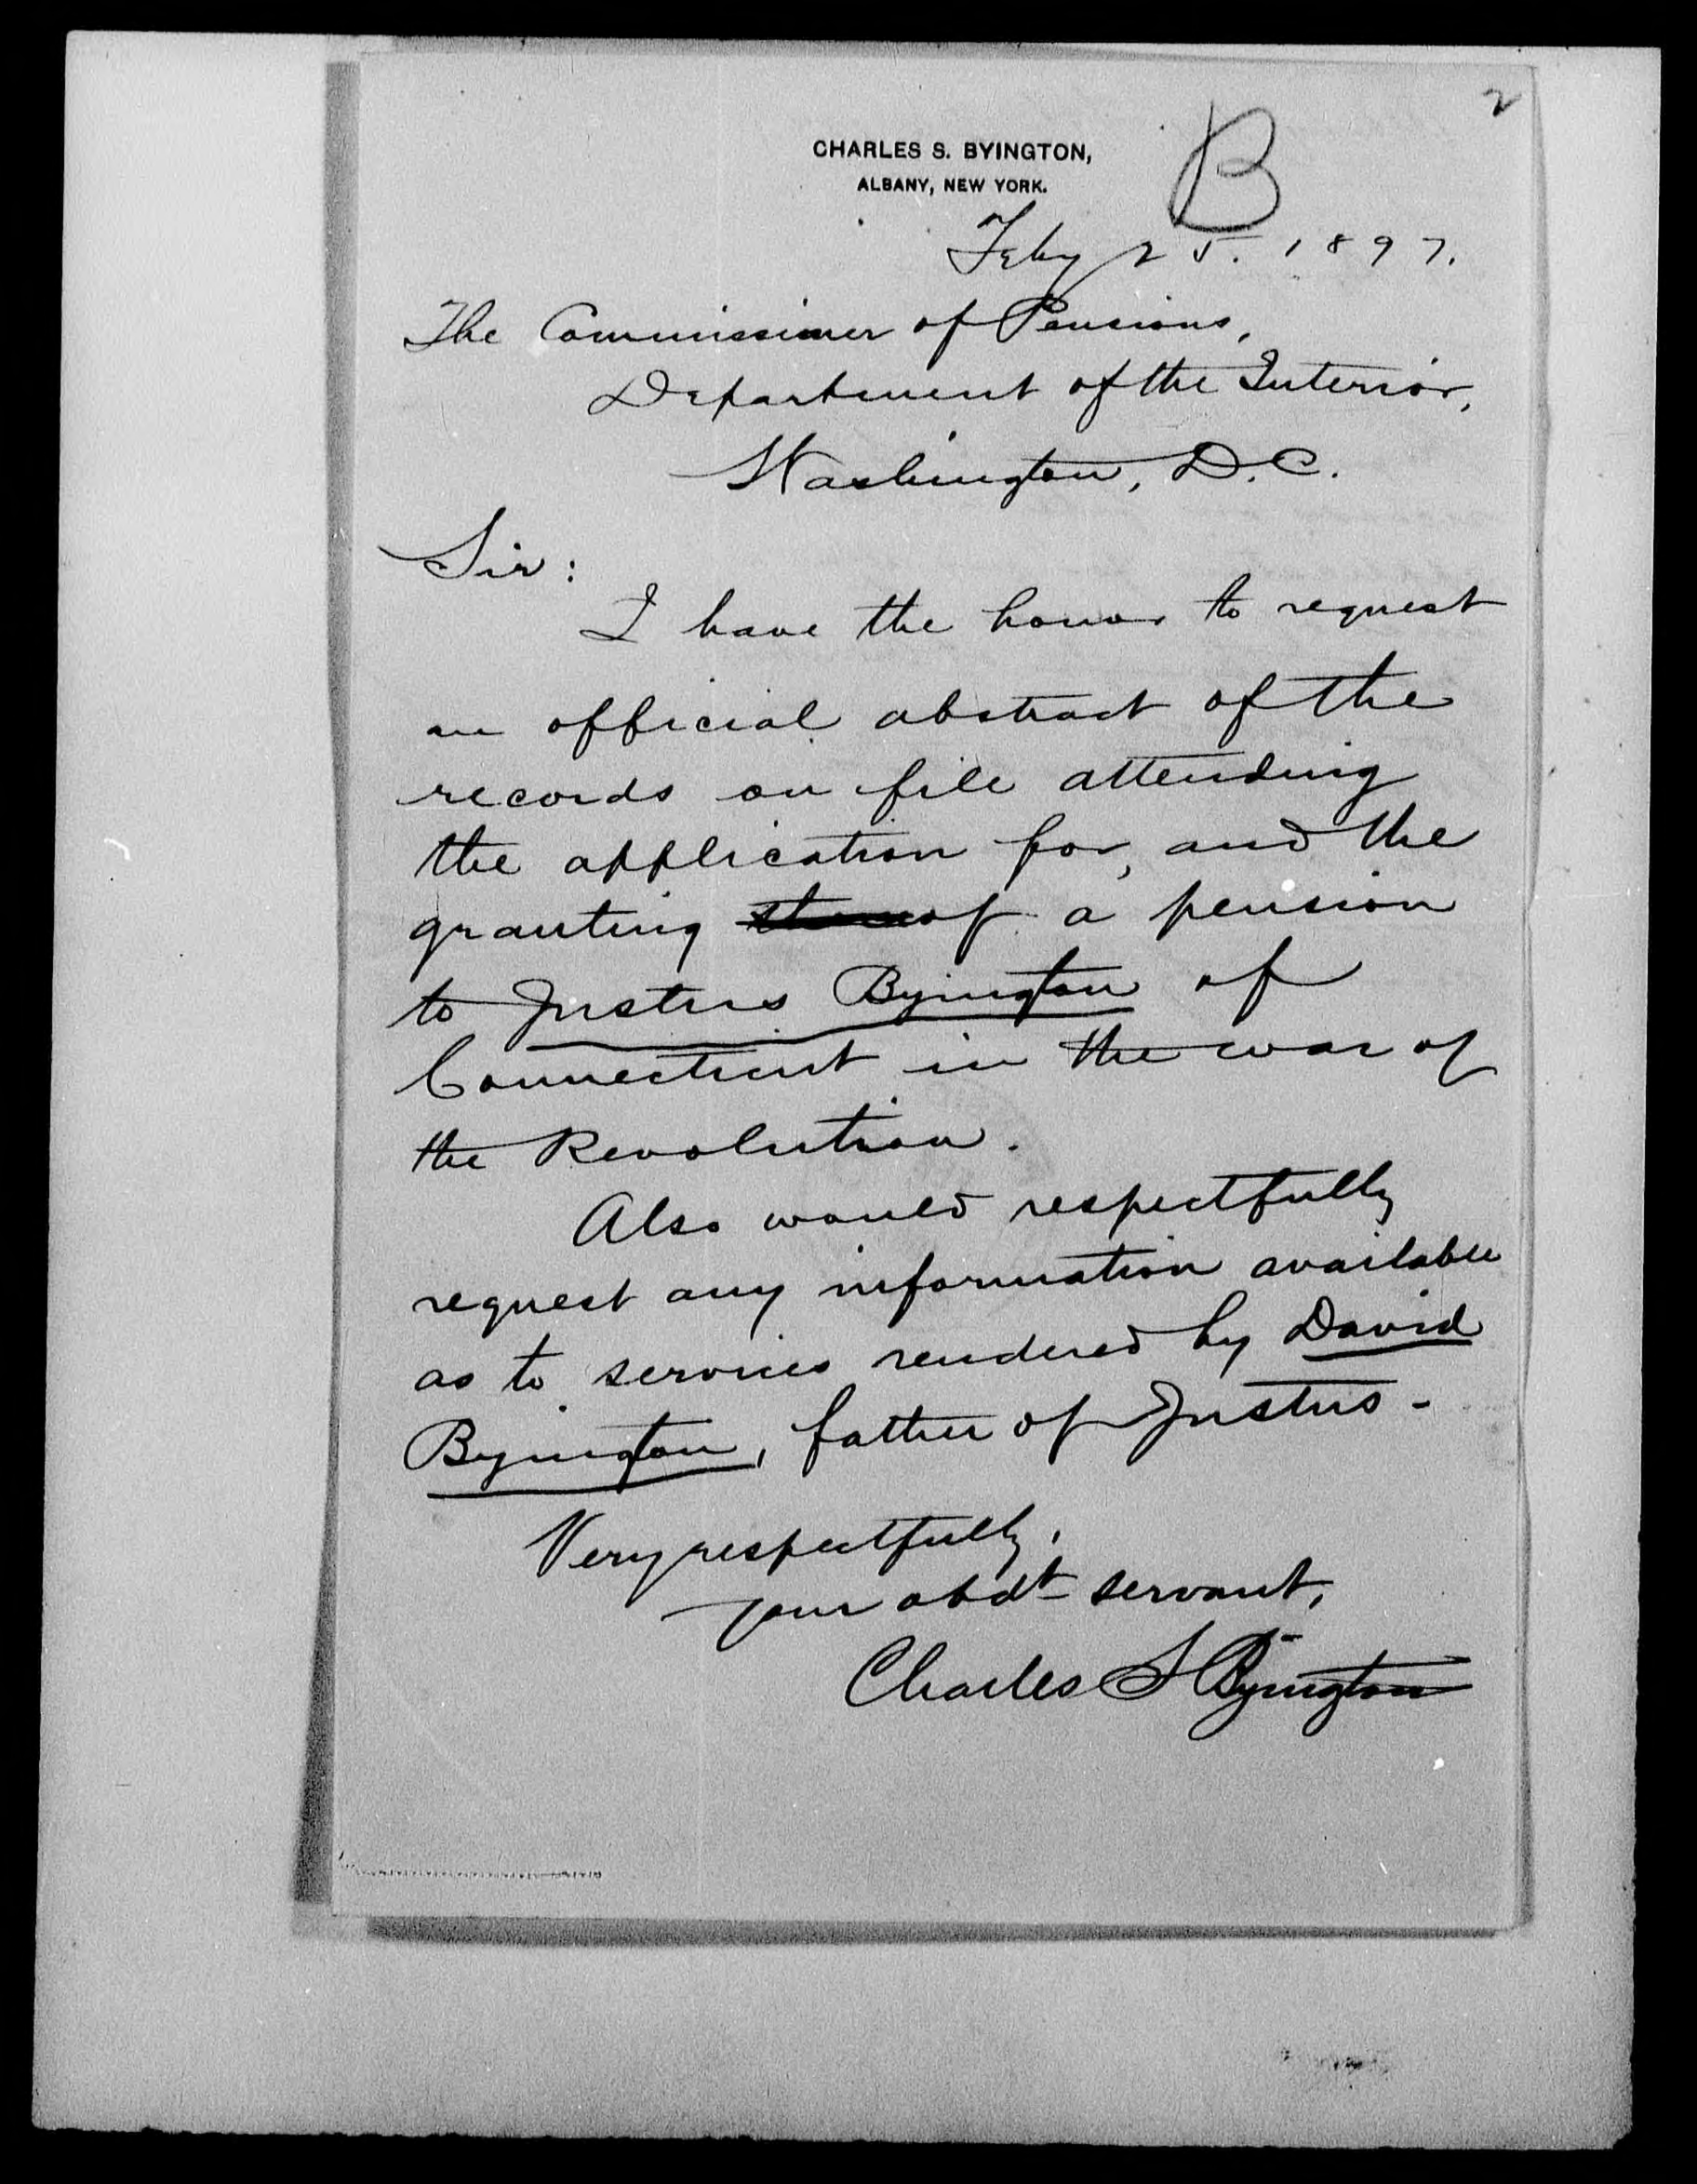CHARLES S. BYINGTON,
ALBANY, NEW YORK.
B
Feby 25. 1897
The Commissioner of Pensions,
Department of the Interior,
Washington, D.C.

Sir:
I have the honor to request  an official abstract of the records on file attending the application for, and the granting of a pension to Justus Byington of Connecticut in the war of the Revolution. 
Also want any information available as to services rendered by David Byington, father of Justus.
Very respectfully,
your obdt servant,
Charles S. Byington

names: Justus Byington, David Byington, Charles S Byington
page: 72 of 79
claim: widow's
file: W. 23754, Justus Byington, Conn.